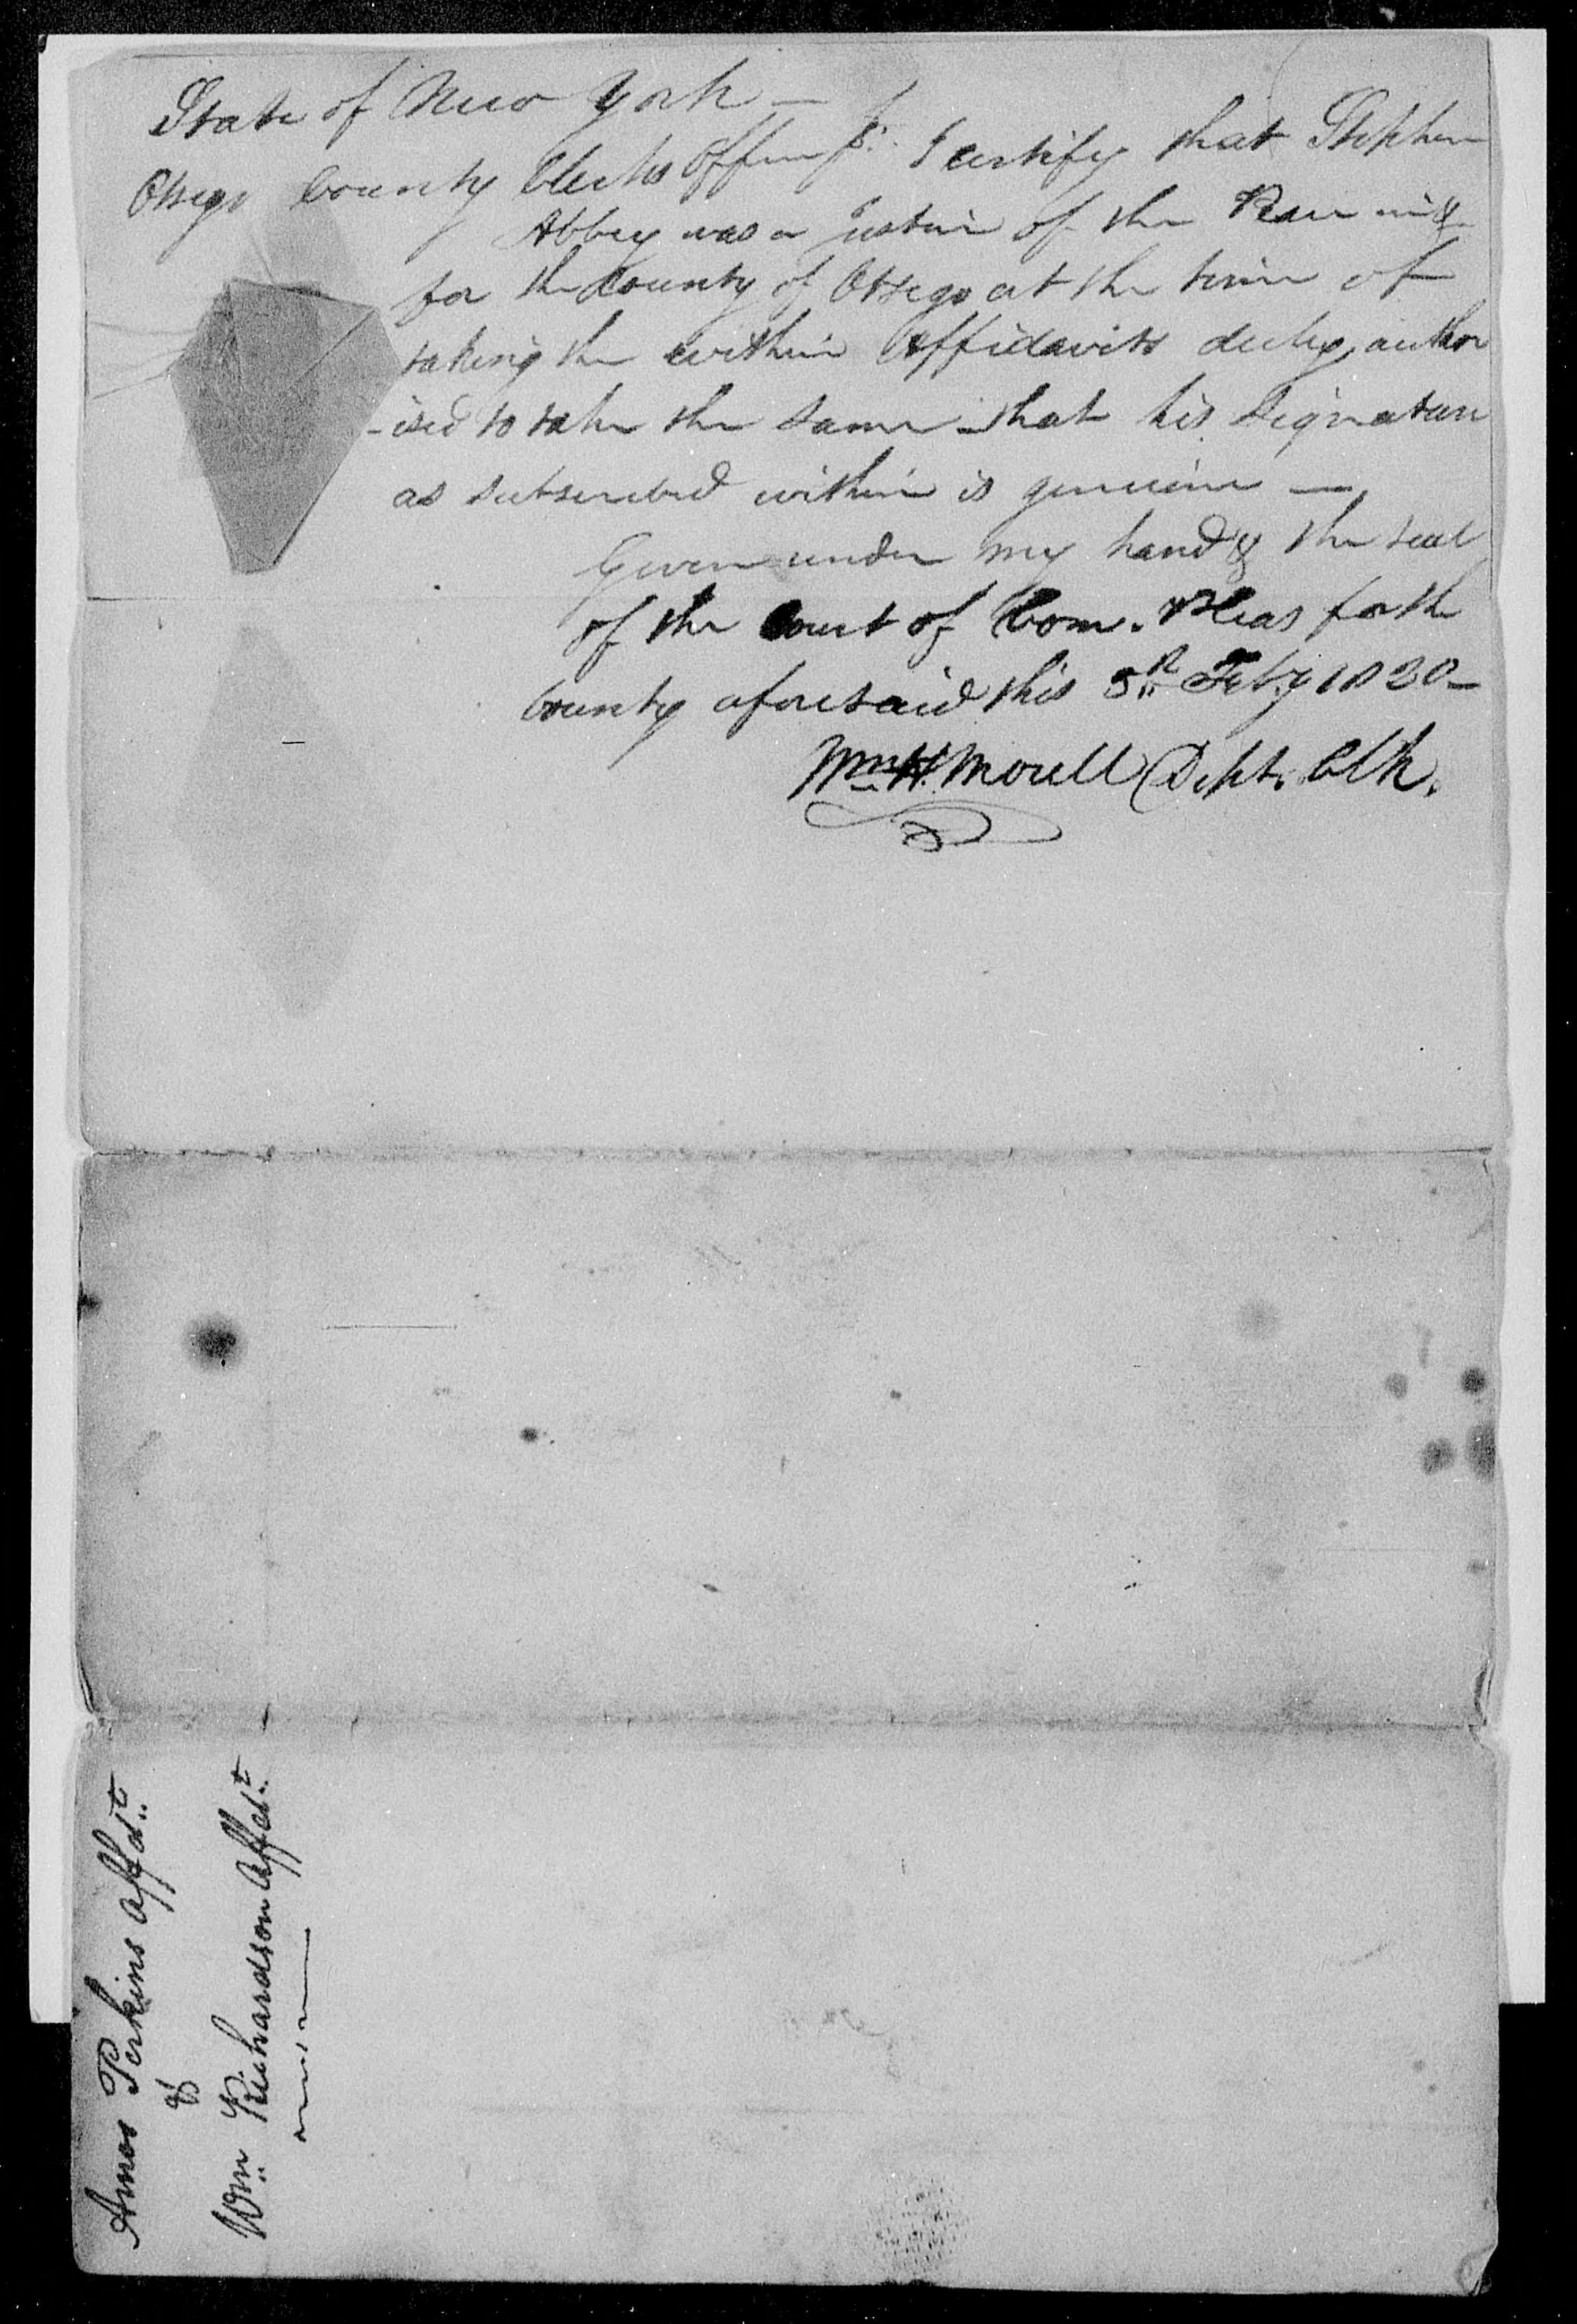State of New York}
Otsego County Clerk's Office} ss
I certify that Stephen Abbey was a Justice of the Peace in and for the County of Otsego at the time of taken the within affidavit duly authorized to take the same that his signature as subscribed within is genuine

Given under my hand & the seal of the Court of Com. Pleas for the County aforesaid this 5th February 1820

WM H Morell Dept. Clk



Amos Perkins Affdt
&
Wm Richardson Affdt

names: Wm H Morell, Stephen Abbey, Amos Perkins, Wm Richardson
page: 18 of 32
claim: survivor's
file: S. 34899, John Gibson, R.I.